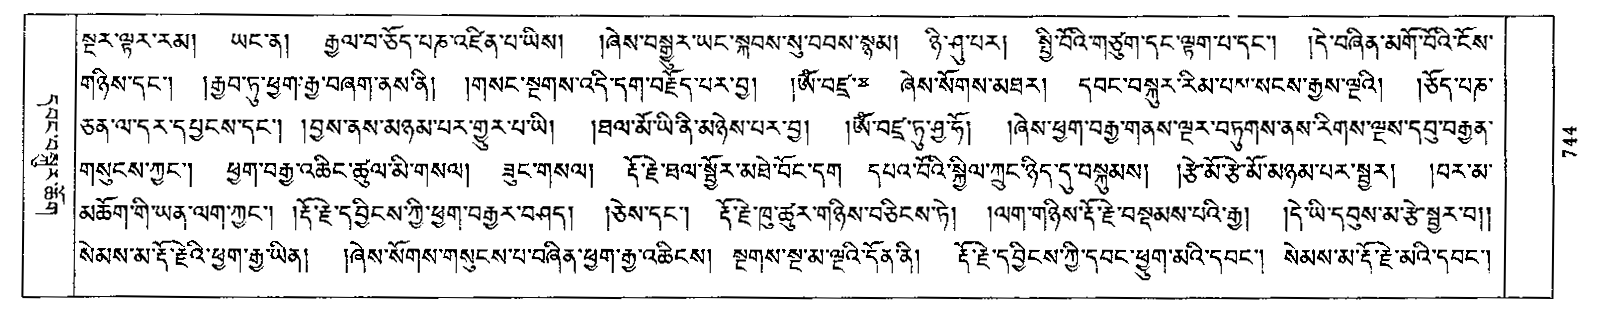སྔར་ལྟར་རམ། ཡང་ན། རྒྱལ་བ་ཅོད་པཎ་འཛིན་པ་ཡིས། །ཞེས་བསྒྱུར་ཡང་སྐབས་སུ་བབས་སྙམ། ཉི་ཤུ་པར། སྤྱི་བོའི་གཙུག་དང་ལྟག་པ་དང་། །དེ་བཞིན་མགོ་བོའི་ངོས་
གཉིས་དང་། །རྒྱབ་ཏུ་ཕྱག་རྒྱ་བཞག་ནས་ནི། །གསང་སྔགས་འདི་དག་བརྗོད་པར་བྱ། །ཨོཾ་བཛྲ་྾་ཞེས་སོགས་མཐར། དབང་བསྐུར་རིམ་པས་སངས་རྒྱས་ལྔའི། །ཅོད་པཎ་
ཅན་ལ་དར་དཔྱངས་དང་། །བྱས་ནས་མཉམ་པར་གྱུར་པ་ཡི། །ཐལ་མོ་ཡི་ནི་མཉེས་པར་བྱ། །ཨོཾ་བཛྲ་ཏུ་ཤྱ་ཧོ། །ཞེས་ཕྱག་བརྒྱ་གནས་ལྔར་བཏུགས་ནས་རིགས་ལྔས་དབུ་བརྒྱན་
གསུངས་ཀྱང་། ཕྱག་བརྒྱ་འཆིང་ཚུལ་མི་གསལ། ཟུང་གསལ། རྡོ་རྗེ་ཐལ་སྦྱོར་མཐེ་བོང་དག་དཔའ་བོའི་སྐྱིལ་ཀྲུང་ཉིད་དུ་བསྐུམས། །རྩེ་མོ་རྩེ་མོ་མཉམ་པར་སྦྱར། །བར་མ་
མཆོག་གི་ཡན་ལག་ཀྱང་། །རྡོ་རྗེ་དབྱིངས་ཀྱི་ཕྱག་བརྒྱར་བཤད། །ཅེས་དང་། རྡོ་རྗེ་ཁུ་ཚུར་གཉིས་བཅིངས་ཏེ། །ལག་གཉིས་རྡོ་རྗེ་བསྡམས་པའི་རྒྱ། །དེ་ཡི་དབུས་མ་རྩེ་སྦྱར་བ།།
སེམས་མ་རྡོ་རྗེའི་ཕྱག་རྒྱ་ཡིན། །ཞེས་སོགས་གསུངས་པ་བཞིན་ཕྱག་རྒྱ་འཆིངས། སྔགས་སྔ་མ་ལྔའི་དོན་ནི། རྡོ་རྗེ་དབྱིངས་ཀྱི་དབང་ཕྱུག་མའི་དབང་། སེམས་མ་རྡོ་རྗེ་མའི་དབང་།